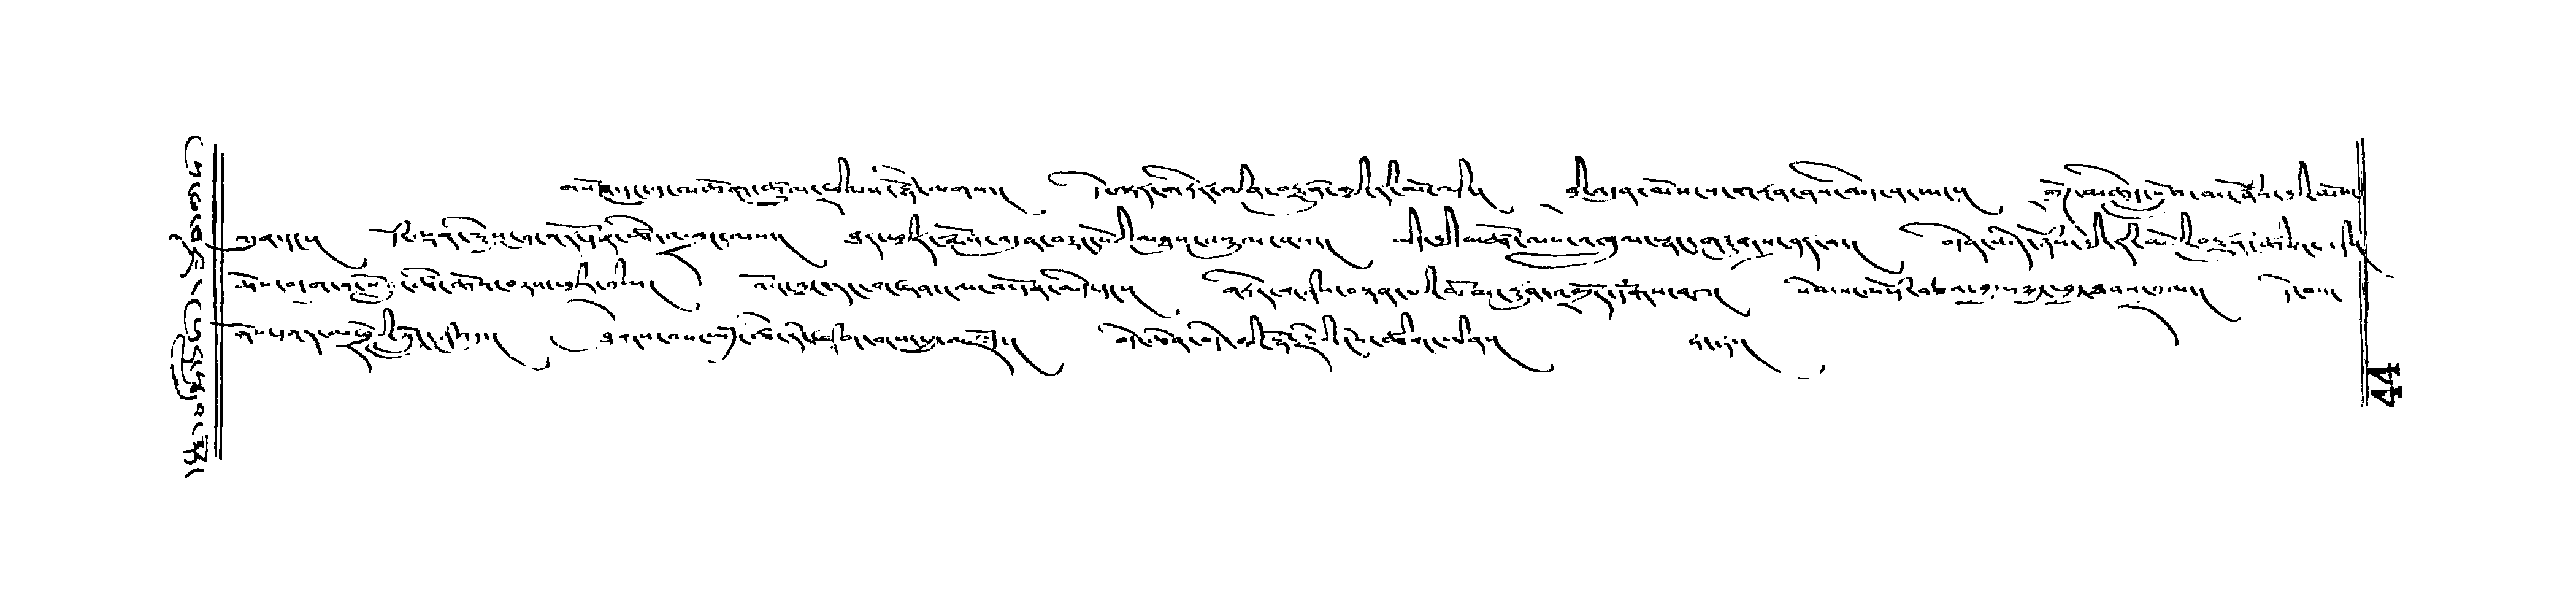གསོན་དང་བུ་མཆོག་ཚུལ་ཁྲིམས་རྡོ་རྗེ་ལགས། །དེ་ལྟར་གཏེར་མིན་བརྫུན་གྱི་རི་མོ་འདི། །བྲི་འདུན་མོས་པ་གཏན་ནས་མེད་ན་ཡང་། །གྲོགས་མཆེད་སློབ་མ་རྣམས་ཀྱི་ཆོས་
འདུན་དང་། །དམ་ལྡན་སྐྱེས་བུ་ཀར་དོན་ཚེ་འཕྲང་ལས། །ཐར་ཕྱིར་སྨོན་འདུན་བཟང་པོའི་མཐུས་བསྐུལ་ནས། །ཡིད་ཀྱི་མཚོ་ལས་འཁྲུལ་སྣང་གཟུགས་ཤར་བ། །བདེན་མེད་ཉམས་ཀྱི་རི་མོའི་བརྫུན་ཚིག་འདི། །
ཆོས་བདག་བུ་སློབ་ཚེ་ཆོས་བརྟན་ཕྱིར་བྲིས། །འོན་ཀྱང་རང་གཞན་ངལ་བ་དོན་མེད་དང་། །གཏེར་གཉིས་བསྟན་པའི་ཆོམ་རྐུན་འགྲོར་དོགས་ནས། །སེམས་ལ་དམ་བཅའ་བྱས་ཀྱང་བྱ་ཐབས་བྲལ། །དེ་བས་
གོས་དཀར་མཁའ་འགྲོའི་ཀློང་ཉིད་དུ། །ཐུགས་བབས་ཡོད་ཚེ་རེ་ཞིག་གསང་རྒྱ་མཛོད། །བདེ་ཆེན་བདེ་བའི་རྡོ་རྗེའི་ངེས་ཚིག་ཡིན། ཧ་ཧ།།